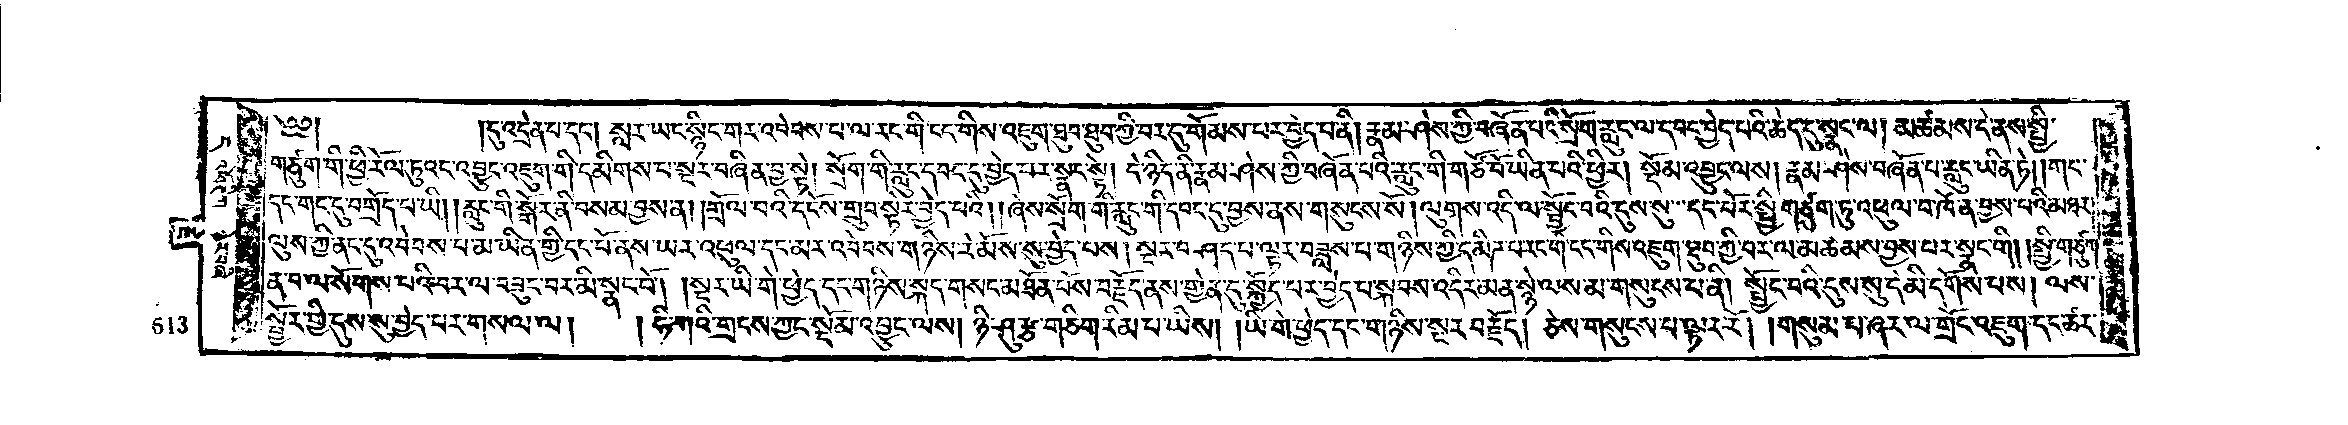༄༅། །དུ་འདྲེན་པ་དང་། སླར་ཡང་སྙིང་གར་འབེབས་པ་ལ་རང་གི་ངང་གིས་འཇུག་ཐུབ་ཐུབ་ཀྱི་བར་དུ་གོམས་པར་བྱེད་པ་ནི། རྣམ་ཤེས་ཀྱི་གཞོན་པའི་སྲོག་རླུང་ལ་དབང་བྱེད་པའི་ཆེད་དུ་སྣང་ལ། མཚམས་དེ་ནས་སྤྱི་
གཙུག་གི་ཕྱི་རོལ་ཏུའང་འབྱུང་འཇུག་གི་དམིགས་པ་སྔར་བཞིན་བྱ་སྟེ། སྲོག་གི་རླུང་དབང་དུ་བྱེད་པར་སྣང་སྟེ། དེ་ཉིད་ནི་རྣམ་ཤེས་ཀྱི་གཞོན་པའི་རླུང་གི་གཙོ་བོ་ཡིན་པའི་ཕྱིར། སྡོམ་འབྱུང་ལས། རྣམ་ཤེས་བཞོན་པ་རླུང་ཡིན་ཏེ། །གང་
དང་གང་དུ་བགྲོད་པ་ཡི། །རླུང་གི་སྒོར་ནི་བསམ་བྱས་ན། །གྲོལ་བའི་དངོས་གྲུབ་སྟེར་བྱེད་པའི། །ཞེས་སྲོག་གི་རླུང་གི་དབང་དུ་བྱས་ནས་གསུངས་སོ། ལུགས་འདི་ལ་སྦྱོང་བའི་དུས་སུ་དང་པོར་སྤྱི་གཙུག་ཏུ་འཕུལ་བ་ཁོ་ན་བྱས་པའི་མཐར་
ལུས་ཀྱི་ནང་དུ་འབེབས་པ་མ་ཡིན་གྱི་དང་པོ་ནས་ཡར་འཕུལ་དང་མར་འབེབས་གཉིས་རེ་མོས་སུ་བྱེད་པས། སྔར་བཤད་པ་ལྟར་བཟླས་པ་གཉིས་ཀྱི་དམིགས་པ་རང་གི་ངང་གིས་འཇུག་ཐུབ་ཀྱི་བར་ལ་མཚམས་བྱས་པར་སྣང་གི །སྤྱི་གཙུག་
ན་བ་ལ་སོགས་པའི་བར་ལ་བཟུང་བར་མི་སྣང་བོ། །སྔར་ཡི་གེ་ཕྱེད་དང་གཉིས་སྐད་གསང་མཐོན་པོས་བརྗོད་ནས་གྱེན་དུ་སྐྱོད་པར་བྱེད་པ་སྐབས་འདིར་མན་སྙེ་ལས་མ་གསུངས་པ་ནི། སྦྱོང་བའི་དུས་སུ་དེ་མི་དགོས་པས། ལས་
སྦྱོར་གྱི་དུས་སུ་བྱེད་པར་གསལ་ལ། །ཧི་ཀའི་གྲངས་ཀྱང་སྡོམ་འབྱུང་ལས། ཉི་ཤུ་རྩ་གཅིག་རིམ་པ་ཡིས། །ཡི་གེ་ཕྱེད་དང་གཉིས་སྔར་བརྗོད། ཅེས་གསུངས་པ་ལྟར་རོ། །གསུམ་པ་ཞར་ལ་གྲོང་འཇུག་དང་ཚར་